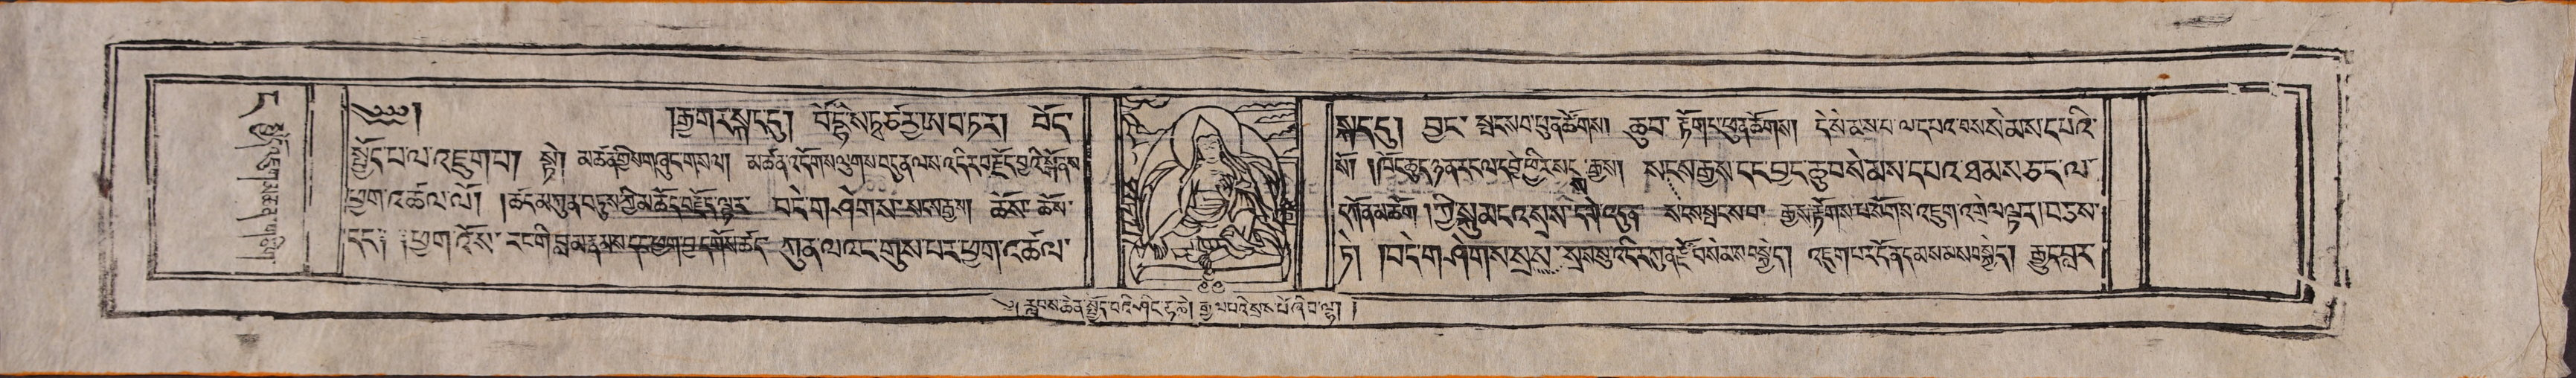༄༅༅། །རྒྱ་གར་སྐད་དུ། བོདྷི་སཏྭ་ཙརྱ་ཨ་པ་ཏ་ར། བོད་སྐད་དུ། བྱང་སྤངས་པ་ཕུན་ཚོགས།  ཆུབ་རྟོགས་ཕུན་ཚོགས། དེ་སེམས་པ་ལ་དཔའ་བས་སེམས་དཔའི་
སྤྱོད་པ་ལ་འཇུག་པ། སྟེ། མཚན་གྱིས་གཞུང་གསལ། མཚན་འདོགས་ལུགས་བདུན་ལས་འདིར་བརྗོད་བྱའི་སྒོ་ནས་སོ། །ཁོང་ཆུད་ཉན་རང་ལ་དབྱེ་ཕྱིར་སངས་རྒྱས། སངས་སྤངས་པ་སངས་རྒྱས་དང་བྱང་ཆུབ་སེམས་དཔའ་ཐམས་ཅད་ལ་
ཕྱག་འཚལ་ལོ། །ཚད་མ་ཀུན་བཏུས་ཀྱི་མཆོད་བརྗོད་ལྟར་བདེ་གཤེགས་སངས་རྒྱས།  ཆོས་ཆོས་དཀོན་མཆོག་།ཀྱི་སྐུ་མངའ་སྲས་དགེ་འདུན་རྒྱས་རྟོགས་པ་སོགས་འཇུག་འགྲེལ་ལྟར།  བཅས་
དང༑ ༑ཕྱག་འོས་རང་གི་བླ་མ་རྣམས་དང་ཕྱད་བྱ་དགོས་ཚད་ཀུན་ལའང་གུས་པར་ཕྱག་འཆལ་ཏེ། །བདེ་གཤེགས་སྲས་སྲས་སུ་འདིར་ཀུན་རྫོབ་སེམས་བསྐྱེད། འཇུག་པར་དོན་དམ་སེམས་བསྐྱེད། རྒྱུད་བླར་